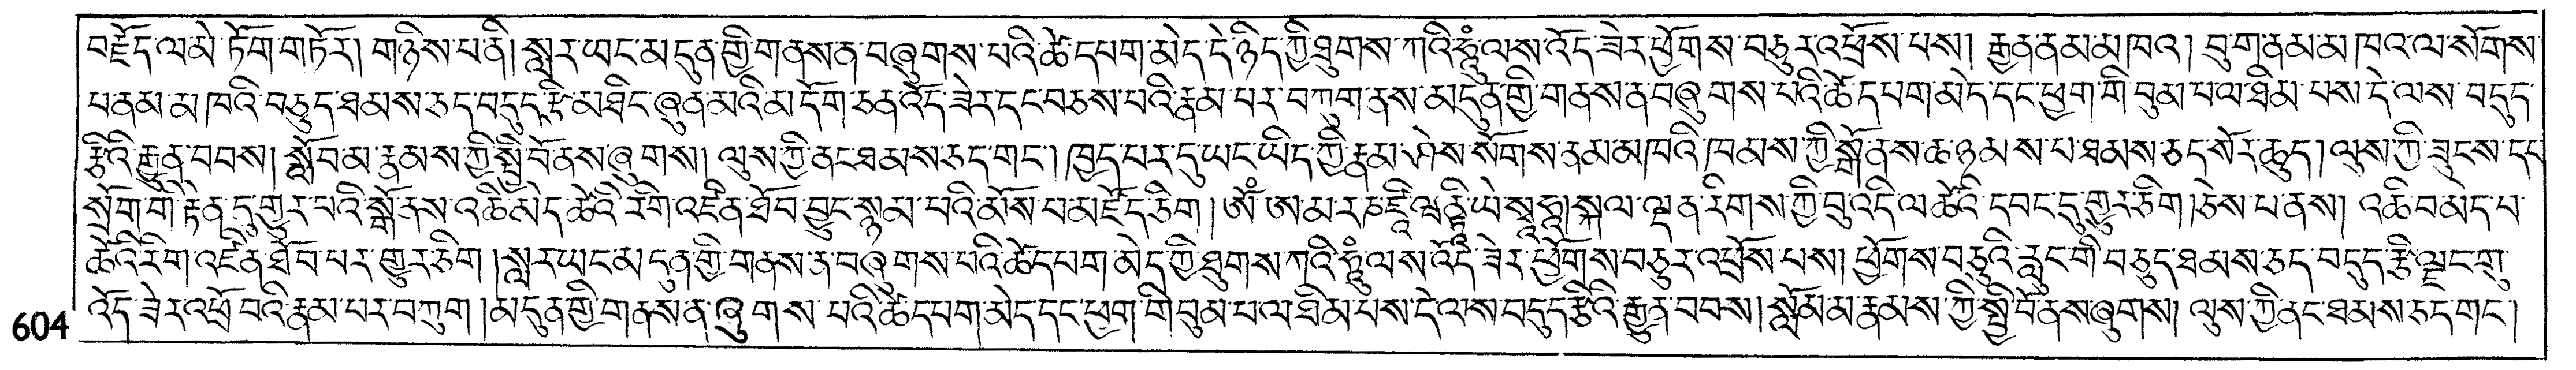བརྗོད་ལ་མེ་ཏོག་གཏོར། གཉིས་པ་ནི། སླར་ཡང་མདུན་གྱི་གནས་ན་བཞུགས་པའི་ཚེ་དཔག་མེད་དེ་ཉིད་ཀྱི་ཐུགས་ཀའི་ཧཱུཾ་ལས་འོད་ཟེར་ཕྱོགས་བཅུར་འཕྲོས་པས། རྒྱན་ནམ་མཁའ། བུ་ག་ནམ་མཁའ་ལ་སོགས་
པ་ནམ་མཁའི་བཅུད་ཐམས་ཅད་བདུད་རྩི་མཐིང་ཞུན་མའི་མདོག་ཅན་འོད་ཟེར་དང་བཅས་པའི་རྣམ་པར་བཀུག་ནས་མདུན་གྱི་གནས་ན་བཞུགས་པའི་ཚེ་དཔག་མེད་དང་ཕྱག་གི་བུམ་པ་ལ་ཐིམ་པས་དེ་ལས་བདུད་
རྩིའི་རྒྱུན་བབས། སློབ་མ་རྣམས་ཀྱི་སྤྱི་བོ་ནས་ཞུགས། ལུས་ཀྱི་ནང་ཐམས་ཅད་གང་། ཁྱད་པར་དུ་ཡང་ཡིད་ཀྱི་རྣམ་ཤེས་སོགས་ནམ་མཁའི་ཁམས་ཀྱི་སྒོ་ནས་ཆ་ཉམས་པ་ཐམས་ཅད་སོར་ཆུད། ལུས་ཀྱི་ཟུངས་དང་
སྲོག་གི་རྟེན་དུ་གྱུར་པའི་སྒོ་ནས་འཆི་མེད་ཚེའི་རིག་འཛིན་ཐོབ་བྱུང་སྙམ་པའི་མོས་པ་མཛོད་ཅིག །ཨོཾ་ཨ་མ་ར་ཎ་ཛཱི་ཝ་ནྟཱི་ཡེ་སྭཱ་ཧཱ། སྐལ་ལྡན་རིགས་ཀྱི་བུ་འདི་ལ་ཚེའི་དབང་དུ་གྱུར་ཅིག །ཅེས་པ་ནས། འཆི་བ་མེད་པ་
ཚེའི་རིག་འཛིན་ཐོབ་པར་གྱུར་ཅིག །སླར་ཡང་མདུན་གྱི་གནས་ན་བཞུགས་པའི་ཚེ་དཔག་མེད་ཀྱི་ཐུགས་ཀའི་ཧཱུཾ་ལས་འོད་ཟེར་ཕྱོགས་བཅུར་འཕྲོས་པས། ཕྱོགས་བཅུའི་རླུང་གི་བཅུད་ཐམས་ཅད་བདུད་རྩི་ལྗང་གུ་
འོད་ཟེར་འཕྲོ་བའི་རྣམ་པར་བཀུག །མདུན་གྱི་གནས་ན་ཞུགས་པའི་ཚེ་དཔག་མེད་དང་ཕྱག་གི་བུམ་པ་ལ་ཐིམ་པས་དེ་ལས་བདུད་རྩིའི་རྒྱུན་བབས། སློབ་མ་རྣམས་ཀྱི་སྤྱི་བོ་ནས་ཞུགས། ལུས་ཀྱི་ནང་ཐམས་ཅད་གང་།